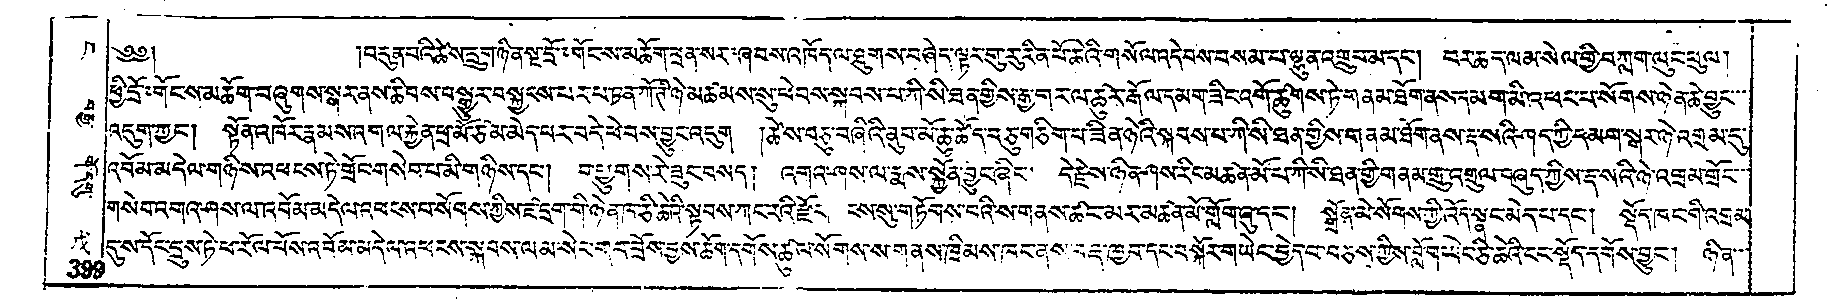༄༅། །བདུན་པའི་ཚེས་དྲུག་ཉིན་སྔ་དྲོ་༧གོང་ས་མཆོག་ཕྲན་སར་༧ཞབས་འཁོད་ལ་ཐུགས་བཞེད་ལྟར་གུ་རུ་རིན་པོ་ཆེའི་གསོལ་འདེབས་བསམ་པ་ལྷུན་འགྲུབ་མ་དང་། བར་ཆད་ལམ་སེལ་གྱི་བཀླག་ལུང་ཕུལ།
ཕྱི་དྲོ་༧གོང་ས་མཆོག་བཞུགས་སྒར་ནས་ཆིབས་བསྒྱུར་བསྐྱངས་པར་པ་ཊཿཨན་ཀོ་ཊི་ཉེ་མཚམས་སུ་ཕེབས་སྐབས་པ་ཀི་སི་ཐན་གྱིས་རྒྱ་གར་ལ་ཚུར་རྒོལ་དམག་ཟིང་འགོ་ཚུགས་ཏེ་གནམ་ཐོག་ནས་དམག་མི་འཕང་པ་སོགས་ཉེན་ཆེ་བྱུང་
འདུག་ཀྱང་། སྟོན་འཁོར་རྣམས་འགལ་རྐྱེན་ཕྲ་མོ་ཙམ་མེད་པར་བདེ་ཕེབས་བྱུང་འདུག །ཚེས་བཅུ་བཞིའི་ནུབ་མོ་ཆུ་ཚོད་བཅུ་གཅིག་པ་ཟིན་ཉེའི་སྐབས་པ་ཀི་སི་ཐན་གྱིས་གནམ་ཐོག་ནས་རྡ་སའི་ཤད་ཀྱི་དམག་སྒར་ཉེ་འགྲམ་དུ་
འབོམ་མདེལ་གཉིས་འཕངས་ཏེ་གྲོང་གསེབ་པ་མི་གཉིས་དང་། བ་ཕྱུགས་རེ་ཟུང་བསད། འགའ་ཤས་ལ་རྨས་སྐྱོན་བྱུང་ཞིང་། དེ་རྗེས་ཉིན་ཤས་རིང་མཚན་མོ་པ་ཀི་སི་ཐན་གྱི་གནམ་གྲུ་འགྲུལ་བཞུད་ཀྱིས་རྡ་སའི་ཉེ་འགྲམ་གྲོང་
གསེབ་འགའ་ཤས་ལ་འབོམ་མདེལ་འཕངས་པ་སོགས་ཀྱིས་ཛ་དྲག་གི་ཉེན་ཁ་ཅི་ཆེའི་སྟབས་ཀང་རའི་རྫོང་། ངས་སུ་གཏོགས་པའི་ས་གནས་ཚང་མར་མཚན་མོ་གློག་ཞུ་དང་། སྒྲོན་མེ་སོགས་ཀྱི་འོད་སྣང་མེད་པ་དང་། སྡོད་ཁང་གི་འགྲམ་
དུ་ས་དོང་དྲུས་ཏེ་ཕ་རོལ་པོས་འབོམ་མདེལ་འཕངས་སྐབས་ལམ་སེང་གབ་བྲོས་བྱས་ཆོག་དགོས་ཚུལ་སོགས་ས་གནས་ཁྲིམས་ཁང་ནས་བརྡ་ཁྱབ་དང་བསྐོར་གཡེང་བྱེད་པ་བཅས་ཀྱིས་བློ་གཡེང་ཅི་ཆེའི་ངང་སྡོད་དགོས་བྱུང་། ཉིན་